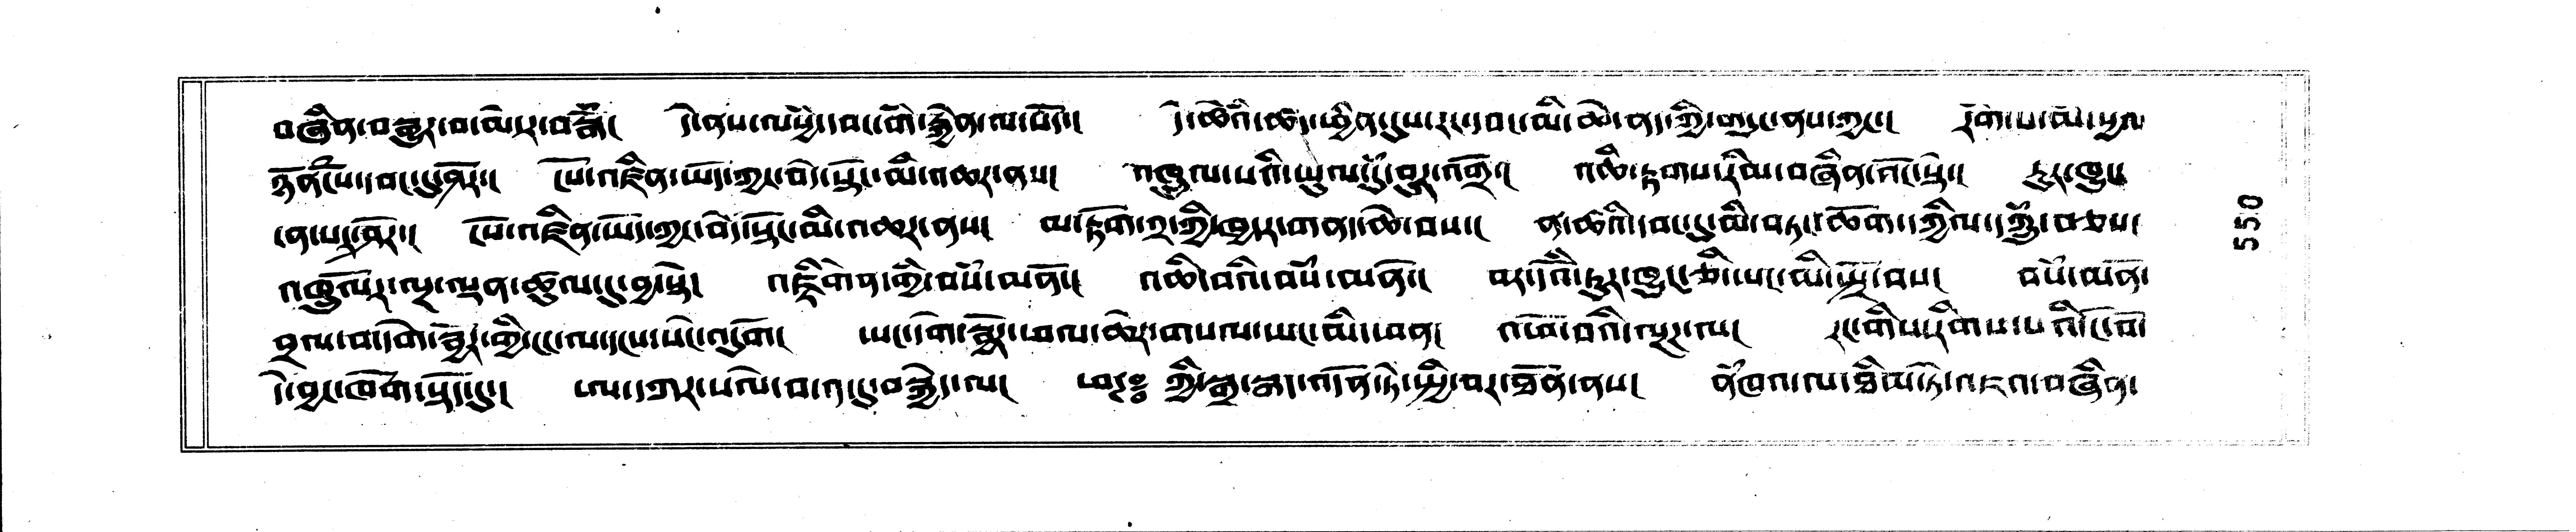བཞིན་བསྒྱུར་དུ་མེད་པར་སྒོམ། དེ་ནས་ལས་ཀྱི་དབང་གི་རྐྱེན་ལས་སོགས། ཚེའི་ཆདདུ་ཕྱིན་པའི་དུས།རང་དབང་མ་ཆེ་ནད་ཀྱི་གདུང་ནས་ཀྱང་། རིག་པ་མི་གསལ་
ཉོན་མོངས་དབང་དུ་ཤོར། ངོས་འཛིན་ཡོད་ཀྱང་བདེ་སྟོང་མི་འཆར་ནས། འཁྲུལ་པའི་ཡུལ་དུམ་བུར་འགྲོ། འཆི་རྟགས”རིམ་བཞིན་འོང་ཏེ་ ཏུར་ཁྱུད་
ངན་པ་ཤོར། དེ་དུས་རྟོགས་དང་མི་རྟོགས་གཉིས་ཀྱི་ཁྱད་གནད་དུ་ཆེ་བས་དེའི་དུས་ན་ཚའི་དབང་དུ་མི་བཏང་ལ། ཅི་ཐུབ་ཀྱི་ཅོག་འདུག་དཀྱིལ་ཀྲུང་བཅའ། 
འཁྲུལ་འཁོར་ལྔ་ལྡན་གྱི་ཚུལ་དུ་བྱ་སྟེ། འཇིག་རྟེན་བསམ་མནོ་སྐད་ཅིག་ལ་མ་བཏང་ལ། མི་རྟག་འཆི་བའི་བསམ་མནོ་བཏང་། བར་དོའི་དུར་ཁྱུང་ཅི་མི་སྤྲོ་བར། བསམ་མནོ་
བྲལ་བར་དགེ་སྦྱོར་གྱི་ངང་ལ། རང་རིག་དངས་སང་འདུག་པའོ། ཡང་དགེ་སྦྱོར་ཕལ་ཆེར་གསལ་ཡང་མི་ཕན་འཕོ་བའི་མེན་ངག་ལ་རང་རིག་པའི་ངོའོ་
དེབྱང་ཁོག་སྟོད་དུ་ ཨ་དཀར་སལེ་བ་ཅིག་སྒོམ་ལ་ཕཊ་ཀྱི་སྒྲ་སྐད་འདོན་སྟེ། སྤྱི་བོར་ཐོན་ནས་ནམ་མཁའ་ལ་ཐོན་སྟེ། གཞའ་བཞིན་